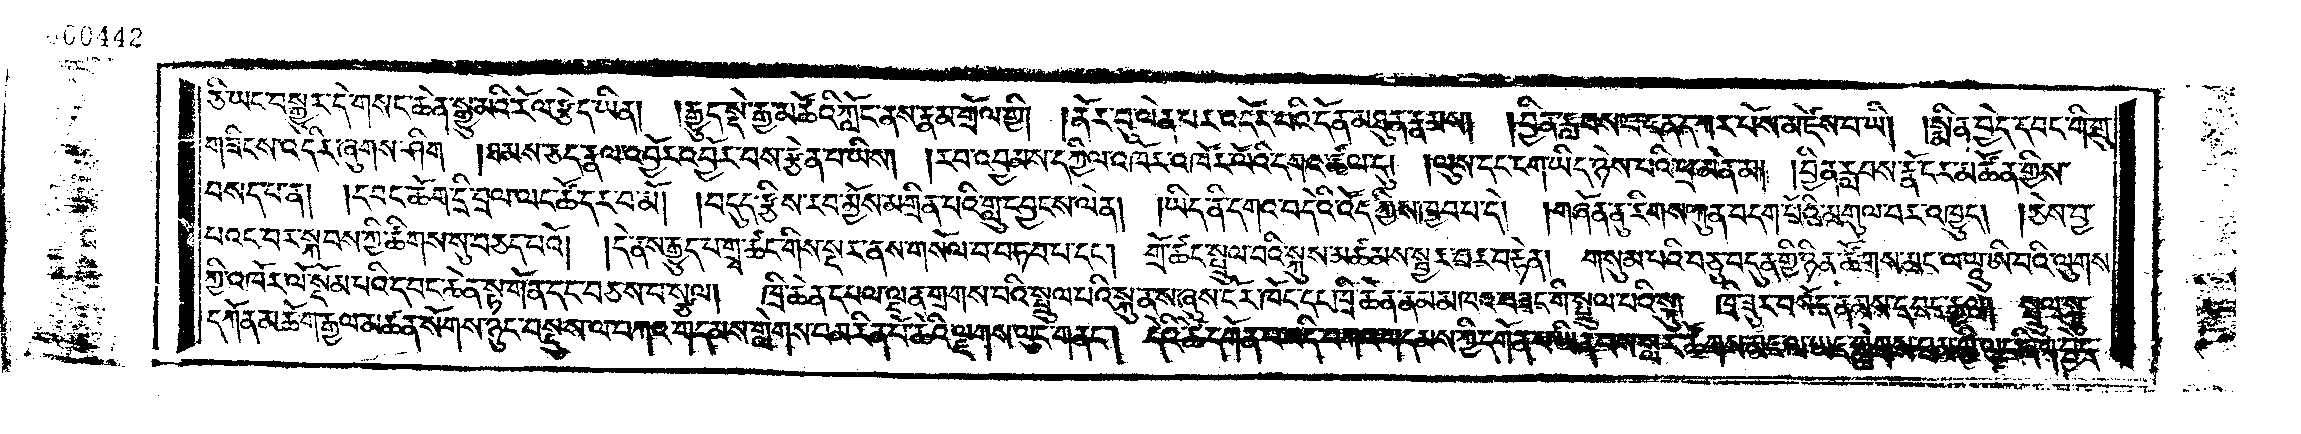ཅི་ཡང་བསྒྱུར་དེ་གསང་ཆེན་སྒྱུ་མའི་རོལ་རྩེད་ཡིན། །རྒྱུད་སྡེ་རྒྱ་མཚོའི་ཀློང་ནས་རྣམ་གྲོལ་གྱི། །ནོར་བུ་ལེན་པར་འདོད་པའི་དོན་མཐུན་རྣམས། །བྱིན་རླབས་པ་དན་དཀར་པོས་མཛེས་པ་ཡི། །སྨིན་བྱེད་དབང་གི་གྲུ་
གཟིངས་འདིར་ཞུགས་ཤིག །ཐམས་ཅད་རྣལ་འབྱོར་འབྱོར་བས་རྩེན་པ་ཡིས། །རབ་འབྱམས་དཀྱིལ་འཁོར་འཁོར་ལོའི་དགའ་ཚལ་དུ། །ལུས་དང་ངག་ཡིད་ཉེས་པའི་ཕྲ་མེན་མ། །བྱིན་རླབས་རྣོ་ངར་མཚོན་གྱིས་
བསད་པ་ན། །དབང་ཆོག་དྲི་བྲལ་ལང་ཚོ་དར་བ་མོ། །བདུད་རྩིས་རབ་མྱོས་མགྲིན་པའི་གླུ་དབྱངས་ལེན། །ཡིད་ནི་དགའ་བདེའི་འོད་ཀྱིས་ཁྱབ་པ་དེ། །གཞོན་ནུ་རིགས་ཀུན་བདག་པོའི་མགུལ་བར་འཁྱུད། །ཅེས་བྱ་
པའང་བར་སྐབས་ཀྱི་ཚིགས་སུ་བཅད་པའོ། །དེ་ནས་རྒྱུད་པ་གྲྭ་ཚང་གིས་སྔར་ནས་གསོལ་བ་བཏབ་པ་དང་། གྲོ་ཚང་སྤྲུལ་པའི་སྐུས་མཚམས་སྦྱར་བར་བརྟེན། གསུམ་པའི་བཅུ་བདུན་གྱི་ཉིན་ཚོགས་མང་ལ་ལཱུ་ཨི་པའི་ལུགས་
ཀྱི་འཁོར་ལོ་སྡོམ་པའི་དབང་ཆེན་སྟ་གོན་དང་བཅས་པ་སྩལ། ཁྲི་ཆེན་དཔལ་ལྡན་གྲགས་པའི་སྤྲུལ་པའི་སྐུ་ནས་ཞུས་ངོར་ཁོང་དང་ཁྲི་ཆེན་ནམ་མཁའ་བཟང་གི་སྤྲུལ་པའི་སྐུ། ཁྲི་ཟུར་བསོད་ནམས་དབང་རྒྱལ། སྤྲུལ་སྐུ་
དཀོན་མཆོག་རྒྱལ་མཚན་སོགས་ཉུང་བསྡུས་ལ་བཀའ་གདམས་གླེགས་བམ་རིན་པོ་ཆེའི་ལྗགས་ལུང་གནང་། དེའི་ཚེ་དགོན་པ་འདི་བཀའ་གདམས་ཀྱི་དགོན་པ་ཡིན་པས་སླར་ཚོགས་མང་ལ་ཡང་གླེགས་བམ་གྱི་ལུང་ཞིག་བྱེད་